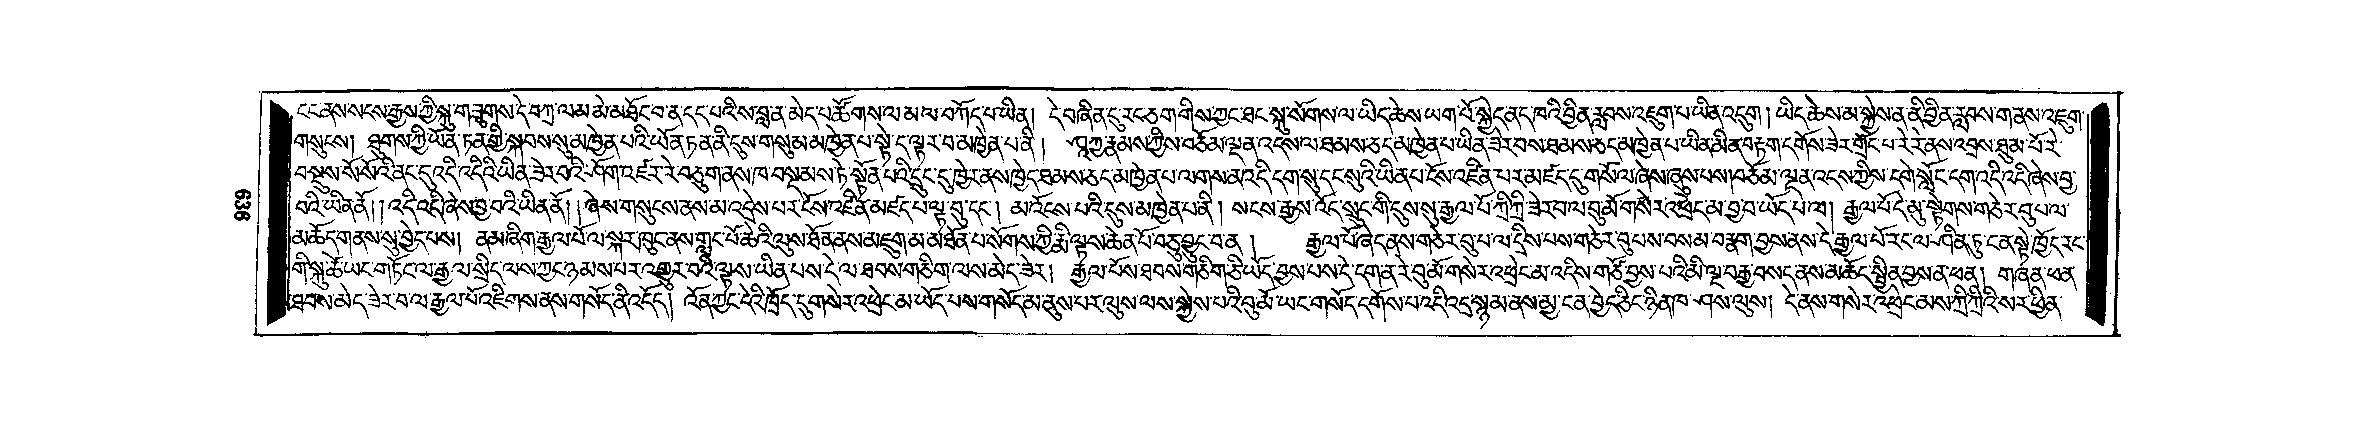ངང་ནས་སངས་རྒྱས་ཀྱི་སྐུ་གཟུགས་དེ་བཀྲ་ལམ་མེ་མཐོང་བ་ན་དད་པའི་ས་བླ་ན་མེད་པ་ཚོགས་ལམ་ལ་བཀོད་པ་ཡིན། དེ་བཞིན་དུ་རང་ཅག་གིས་ཀྱང་ཐང་སྐུ་སོགས་ལ་ཡིད་ཆེས་ཡག་པོ་སྐྱེད་ནད་ཁའི་བྱིན་རླབས་འཇུག་པ་ཡིན་འདུག །ཡིད་ཆེས་མ་སྐྱེས་ན་ནི་བྱིན་རླབས་གནས་འཇུག་
གསུངས། ཐུགས་ཀྱི་ཡོན་ཏན་གྱི་སྐབས་སུ་མཁྱེན་པའི་ཡོན་ཏན་ནི་དུས་གསུམ་མཁྱེན་པ་སྟེ་ད་ལྟར་བ་མཁྱེན་པ་ནི། ཤཱཀྱ་རྣམས་ཀྱིས་བཅོམ་ལྡན་འདས་ལ་ཐམས་ཅད་མཁྱེན་པ་ཡིན་ཟེར་བས་ཐམས་ཅད་མཁྱེན་པ་ཡིན་མིན་བརྟག་དགོས་ཟེར་གྲོང་པ་རེ་རེ་ནས་འབྲས་ཐུམ་པོ་རེ་
བསྡུས་སོ་སོའི་ནང་དུ་འདི་འདིའི་ཡིན་ཟེར་བའི་ཤོག་འཛར་རེ་བཅུག་ནས་ཁ་བསྡམས་ཏེ་སྟོན་པའི་དྲུང་དུ་ཁྱེར་ནས་ཁྱེད་ཐམས་ཅད་མཁྱེན་པ་ལགས་ན་འདི་དག་སུ་དང་སུའི་ཡིན་པ་ངོས་འཛིན་པར་མཛད་དུ་གསོལ་ཞེས་ཞུས་པས། བཅོམ་ལྡན་འདས་ཀྱིས་དགེ་སློང་དག་འདི་འདི་ཞེས་བྱ་
བའི་ཡིན་ནོ། །འདི་འདི་ཞེས་བྱ་བའི་ཡིན་ནོ། །ཞེས་གསུངས་ནས་མ་འདྲེས་པར་ངོས་འཛིན་མཛད་པ་ལྟ་བུ་དང་། མ་འོངས་པའི་དུས་མཁྱེན་པ་ནི། སངས་རྒྱས་འོད་སྲུང་གི་དུས་སུ་རྒྱལ་པོ་ཀྲི་ཀྲི་ཟེར་བ་ལ་བུ་མོ་གསེར་འཕྲེང་མ་བྱ་བ་ཡོད་པ་ལ། རྒྱལ་པོ་དེ་མུ་སྟེགས་གཅེར་བུ་པ་ལ་
མཆོད་གནས་སུ་བྱེད་པས། ནམ་ཞིག་རྒྱལ་པོ་ལ་སྐར་ཁུང་ནས་གླང་པོ་ཆེའི་ལུས་ཐོན་ནས་མཇུག་མ་མཐོན་པ་སོགས་ཀྱི་རྨི་ལྟས་ཆེན་པོ་བཅུ་བྱུང་བ་ན། རྒྱལ་པོ་ཞེད་ནས་གཅེར་བུ་པ་ལ་དྲིས་པས་གཅེར་བུ་པས་བསམ་བརྣག་བྱས་ནས་དེ་རྒྱལ་པོ་རང་ལ་ཤིན་ཏུ་ངན་སྟེ་ཁྱོད་རང་
གི་སྐུ་ཚེ་ཡང་གཏོང་ལ་རྒྱལ་སྲིད་ལས་ཀྱང་ཉམས་པར་འགྱུར་བའི་ལྟས་ཡིན་པས་དེ་ལ་ཐབས་གཅིག་ལས་མེད་ཟེར། རྒྱལ་པོས་ཐབས་གཅིག་ཅི་ཡོད་བྱས་པས་དེ་དག་ན་རེ་བུ་མོ་གསེར་འཕྲེང་མ་འདིས་གཙོ་བྱས་པའི་མི་ལྔ་བརྒྱ་བསད་ནས་མཆོད་སྦྱིན་བྱས་ན་ཕན། གཞན་ཕན་
ཐབས་མེད་ཟེར་བ་ལ་རྒྱལ་པོ་འཇིགས་ནས་གསོད་ནི་འདོད། འོན་ཀྱང་དེའི་ཁྲོད་དུ་གསེར་འཕྲེང་མ་ཡོད་པས་གསོད་མ་ནུས་པར་ལུས་ལས་སྐྱེས་པའི་བུ་མོ་ཡང་གསོད་དགོས་པ་འདི་འདྲ་སྙམ་ནས་མྱ་ངན་བྱེད་ཅིང་ཉིན་ཁ་ཤས་ལུས། དེ་ནས་གསེར་འཕྲེང་མས་ཀྲི་ཀྲིའི་སར་ཕྱིན་